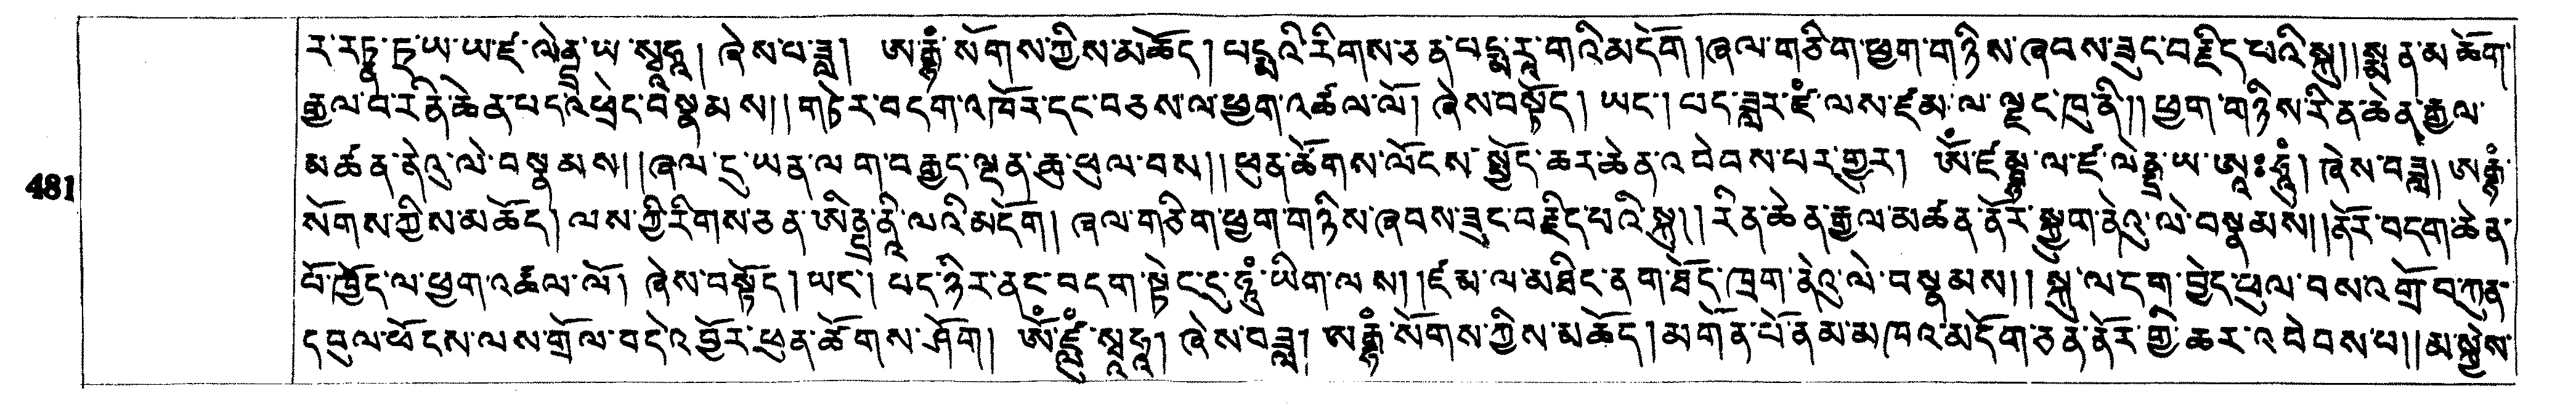ར་རཏྣ་ཏྲ་ཡ་ཡ་ཛ་ལེནྡྲ་ཡ་སྭཱཧཱ། ཞེས་པ་ཟླ། ཨརྒྷཾ་སོགས་ཀྱིས་མཆོད། པདམའི་རིགས་ཅན་པདམ་རཱ་གའི་མདོག །ཞལ་གཅིག་ཕྱག་གཉིས་ཞབས་ཟུང་བརྗིད་པའི་སྐུ། །སྨན་མཆོག་
རྒྱལ་བ་རིན་ཆེན་པད་འཕྲེང་བསྣམས། །གཏེར་བདག་འཁོར་དང་བཅས་ལ་ཕྱག་འཚལ་ལོ། ཞེས་བསྟོད། ཡང་། པད་ཟླར་ཛཾ་ལས་ཛམ་ལ་ལྗང་ཁུ་ནི། །ཕྱག་གཉིས་རིན་ཆེན་རྒྱལ་
མཚན་ནེའུ་ལེ་བསྣམས། །ཞལ་དུ་ཡན་ལག་བརྒྱད་ལྡན་ཆུ་ཕུལ་བས། །ཕུན་ཚོགས་ལོངས་སྤྱོད་ཆར་ཆེན་འབེབས་པར་གྱུར། ཨོཾ་ཛམྦྷ་ལ་ཛ་ལེནྡྲ་ཡ་ཨཱཿ ཧཱུཾ། ཞེས་བཟླ། ཨརྒྷཾ་
སོགས་ཀྱིས་མཆོད། ལས་ཀྱི་རིགས་ཅན་ཨིནྡྲ་ནཱི་ལའི་མདོག །ཞལ་གཅིག་ཕྱག་གཉིས་ཞབས་ཟུང་བརྗིད་པའི་སྐུ། །རིན་ཆེན་རྒྱལ་མཚན་ནོར་སྐྱུག་ནེའུ་ལེ་བསྣམས། །ནོར་བདག་ཆེན་
པོ་ཁྱོད་ལ་ཕྱག་འཚལ་ལོ། ཞེས་བསྟོད། ཡང་། པད་ཉིར་ནང་བདག་སྟེང་དུ་ཧཱུཾ་ཡིག་ལས། །ཛམ་ལ་མཐིང་ནག་ཐོད་ཁྲག་ནེའུ་ལེ་བསྣམས། །སྐུ་ལ་དག་བྱེད་ཕུལ་བས་འགྲོ་བ་ཀུན་
དབུལ་ཕོངས་ལས་གྲོལ་བདེ་འབྱོར་ཕུན་ཚོགས་ཤོག །ཨོཾ་ཛླུཾ་སྭཱཧཱ། ཞེས་བཟླ། ཨརྒྷཾ་སོགས་ཀྱིས་མཆོད། མགོན་པོ་ནམ་མཁའ་མདོག་ཅན་ནོར་གྱི་ཆར་འབེབས་པ། །མ་སྐྱེས་